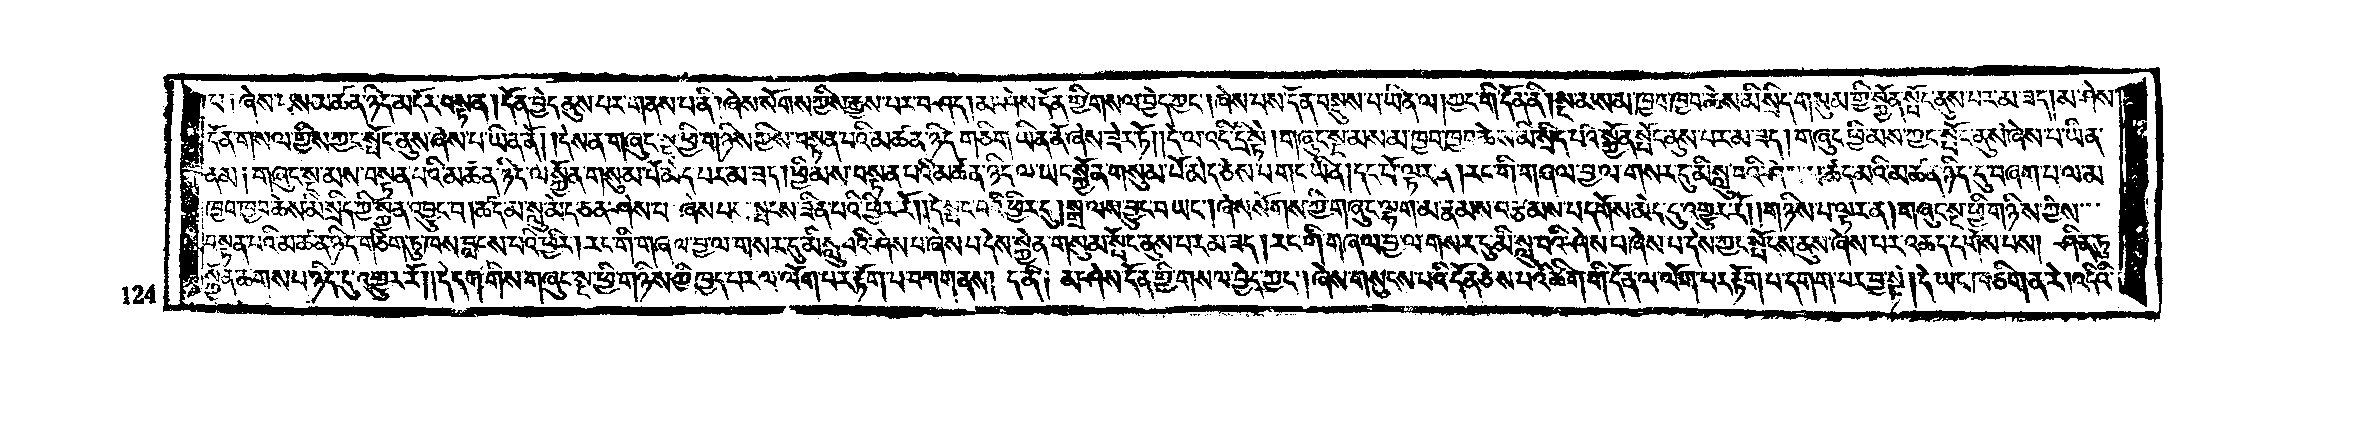པ༑ ཞེས་པས་མཚན་ཉིད་མདོར་བསྟན། དོན་བྱེད་ནུས་པར་གནས་པ་ནི། ཞེས་སོགས་ཀྱིས་རྒྱས་བར་བཤད། མ་ཤེས་དོན་གྱི་གསལ་བྱེད་ཀྱང་། ཞེས་པས་དོན་བསྡུས་པ་ཡིན་ལ། ཀྱང་གི་དོན་ནི། སྔ་མས་མ་ཁྱབ་ཁྱབ་ཆེས་མི་སྲིད་གསུམ་གྱི་སྐྱོན་སྤོང་ནུས་པར་མ་ཟད། མ་ཤེས་
དོན་གསལ་གྱིས་ཀྱང་སྤོང་ནུས་ཞེས་པ་ཡིན་ནོ། །དེས་ན་གཞུང་སྔ་ཕྱི་གཉིས་ཀྱིས་བསྟན་པའི་མཚན་ཉིད་གཅིག་ཡིན་ནོ་ཞེས་ཟེར་ཏོ། །དེ་ལ་འདི་དྲི་སྟེ། གཞུང་སྔ་མས་མ་ཁྱབ་ཁྱབ་ཆེས་མི་སྲིད་པའི་སྐྱོན་སྤོང་ནུས་པར་མ་ཟད། གཞུང་ཕྱི་མས་ཀྱང་སྤོང་ནུས་ཞེས་པ་ཡིན་
ནམ༑ གཞུང་སྔ་མས་བསྟན་པའི་མཚན་ཉིད་ལ་སྐྱོན་གསུམ་པོ་མེད་པར་མ་ཟད། ཕྱི་མས་བསྟན་པའི་མཚན་ཉིད་ལ་ཡང་སྐྱོན་གསུམ་པོ་མེད་ཅེས་པ་གང་ཡིན། དང་པོ་ལྟར་ན། རང་གི་གཞལ་བྱ་ལ་གསར་དུ་མི་སླུ་བའི་ཤེས་པ་ཚད་མའི་མཚན་ཉིད་དུ་བཞག་པ་ལ་མ་
ཁྱབ་ཁྱབ་ཆེས་མི་སྲིད་ཀྱི་སྐྱོན་འབྱུང་བ། ཚད་མ་སླུ་མེད་ཅན་ཤེས་པ་ཞེས་པས་སྤངས་ཟིན་པའི་ཕྱིར་རོ། །དེ་སྤང་བའི་ཕྱིར་དུ། སྒྲ་ལས་བྱུང་བ་ཡང་། ཞེས་སོགས་ཀྱི་གཞུང་ལྷག་མ་རྣམས་བརྩམས་པ་དགོས་མེད་དུ་འགྱུར་རོ། །གཉིས་པ་ལྟར་ན། གཞུང་སྔ་ཕྱི་གཉིས་ཀྱིས་
བསྟན་པའི་མཚན་ཉིད་གཅིག་ཏུ་ཁས་བླངས་པའི་ཕྱིར། རང་གི་གཞལ་བྱ་ལ་གསར་དུ་མི་སླུ་བའི་ཤེས་པ་ཞེས་པ་དེས་སྐྱོན་གསུམ་སྤོང་ནུས་པར་མ་ཟད། རང་གི་གཞལ་བྱ་ལ་གསར་དུ་མི་སླུ་བའི་ཤེས་པ་ཞེས་པ་དེས་ཀྱང་སྤོངས་ནུས་ཞེས་པར་འཆད་དགོས་པས། ཤིན་ཏུ་
སྐྱོན་ཆགས་པ་ཉིད་དུ་འགྱུར་རོ། །དེ་དག་གིས་གཞུང་སྔ་ཕྱི་གཉིས་ཀྱི་ཁྱད་པར་ལ་ལོག་པར་རྟག་པ་བཀག་ནས། ད་ནི༑ མེ་ཤེས་དོན་གྱི་གསལ་བྱེད་ཀྱང་། ཞེས་གསུངས་པའི་དོན་ཅེས་པའི་ཚིག་གི་དོན་ལ་ལོག་པར་རྟོག་པ་དགག་པར་བྱ་སྟེ། དེ་ཡང་ཁ་ཅིག་ན་རེ། འདིའི་